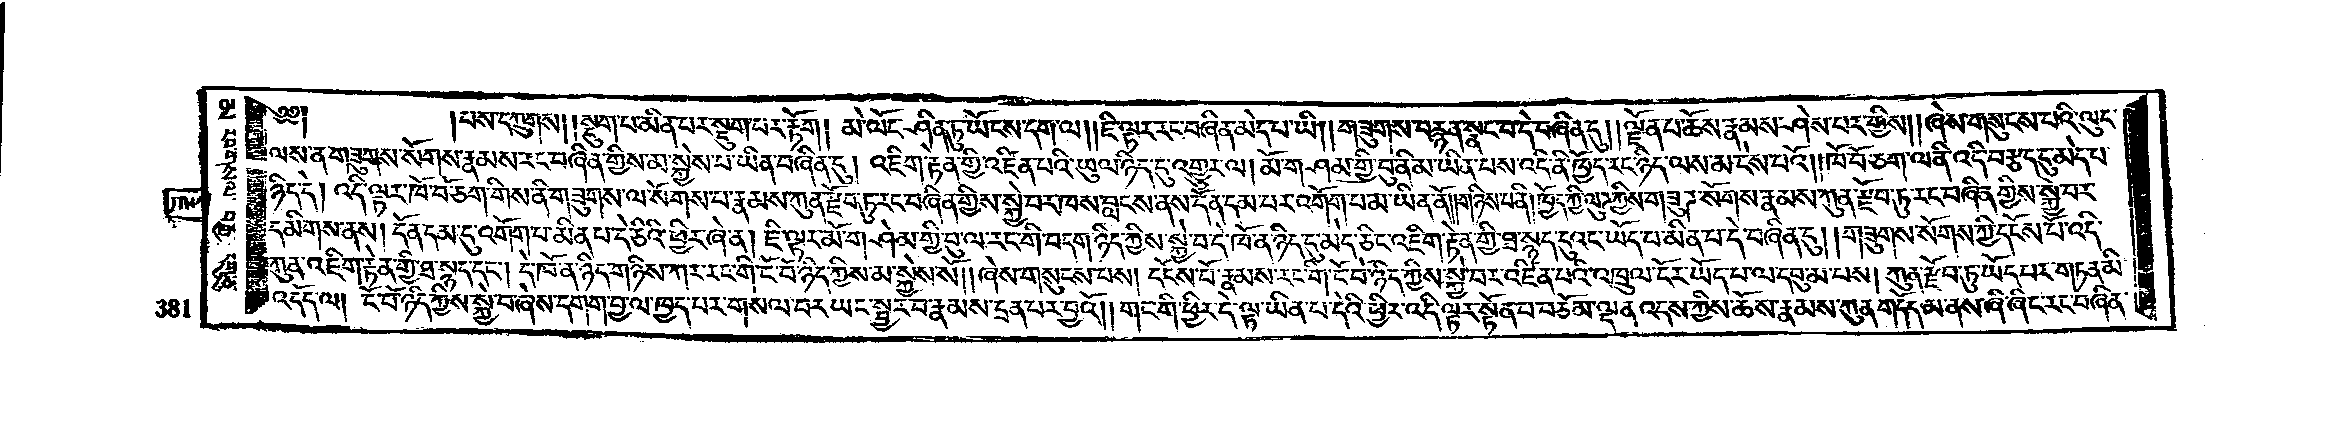༄༅། །པས་དཀྲུགས། །སྡུག་པ་མིན་པར་སྡུག་པར་རྟོག །མེ་ལོང་ཤིན་ཏུ་ཡོངས་དག་ལ། །ཇི་ལྟར་རང་བཞིན་མེད་པ་ཡི། །གཟུགས་བརྙན་སྣང་བ་དེ་བཞིན་དུ། །ལྗོན་པ་ཆོས་རྣམས་ཤེས་བར་གྱིས། །ཞེས་གསུངས་བའི་ལུང་
ལས་ནི་གཟུགས་སོགས་རྣམས་རང་བཞིན་གྱིས་མ་སྐྱེས་པ་ཡིན་བཞིན་དུ། འཇིག་རྟེན་གྱི་འཛིན་པའི་ཡུལ་ཉིད་དུ་འགྱུར་ལ། མོ་གཤམ་གྱི་བུ་ནི་མ་ཡིན་པས་འདི་ནི་ཁྱོད་རང་ཉིད་ལས་མ་ངེས་པའོ། །ཁོ་བོ་ཅག་ལ་ནི་འདི་བརྩད་དུ་མེད་པ་
ཉིད་དེ། འདི་ལྟར་ཁོ་བོ་ཅག་གིས་ནི་གཟུགས་ལ་སོགས་པ་རྣམས་ཀུན་རྫོབ་ཏུ་རང་བཞིན་གྱིས་སྐྱེ་བར་ཁས་བླངས་ནས་དོན་དམ་པར་འགོག་པ་མ་ཡིན་ནོ། །གཉིས་པ་ནི། ཁྱོད་ཀྱི་ལུགས་ཀྱིས་གཟུགས་སོགས་རྣམས་ཀུན་རྫོབ་ཏུ་རང་བཞིན་གྱིས་སྐྱེ་བར་
དམིགས་ནས། དོན་དམ་དུ་འགོག་པ་མིན་པ་དེ་ཅིའི་ཕྱིར་ཞེ་ན། ཇི་ལྟར་མོ་གཤམ་གྱི་བུ་ལ་རང་གི་བདག་ཉིད་ཀྱིས་སྐྱེ་བ་དེ་ཁོ་ན་ཉིད་དུ་མེད་ཅིང་འཇིག་རྟེན་གྱི་ཐ་སྙད་དུའང་ཡོད་པ་མིན་པ་དེ་བཞིན་དུ། །གཟུགས་སོགས་ཀྱི་དངོས་པོ་འདི་
ཀུན་འཇིག་རྟེན་གྱི་ཐ་སྙད་དང་། དེ་ཁོ་ན་ཉིད་གཉིས་ཀར་རང་གི་ངོ་བོ་ཉིད་ཀྱིས་མ་སྐྱེས་སོ། །ཞེས་གསུངས་པས། དངོས་པོ་རྣམས་རང་གི་ངོ་བོ་ཉིད་ཀྱིས་སྐྱེ་བར་འཛིན་པའི་འཁྲུལ་ངོར་ཡོད་པ་ལ་དབུ་མ་པས། ཀུན་རྫོབ་ཏུ་ཡོད་པར་གཏན་མི་
འདོད་ལ། ངོ་བོ་ཉིད་ཀྱིས་སྐྱེ་བ་ཞེས་དགག་བྱ་ལ་ཁྱད་པར་གསལ་བར་ཡང་སྦྱར་བ་རྣམས་དྲན་པར་བྱའོ། །གང་གི་ཕྱིར་དེ་ལྟ་ཡིན་པ་དེའི་ཕྱིར་འདི་ལྟར་སྟོན་པ་བཅོམ་ལྡན་འདས་ཀྱིས་ཆོས་རྣམས་ཀུན་གདོད་མ་ནས་ཞི་ཞིང་རང་བཞིན་